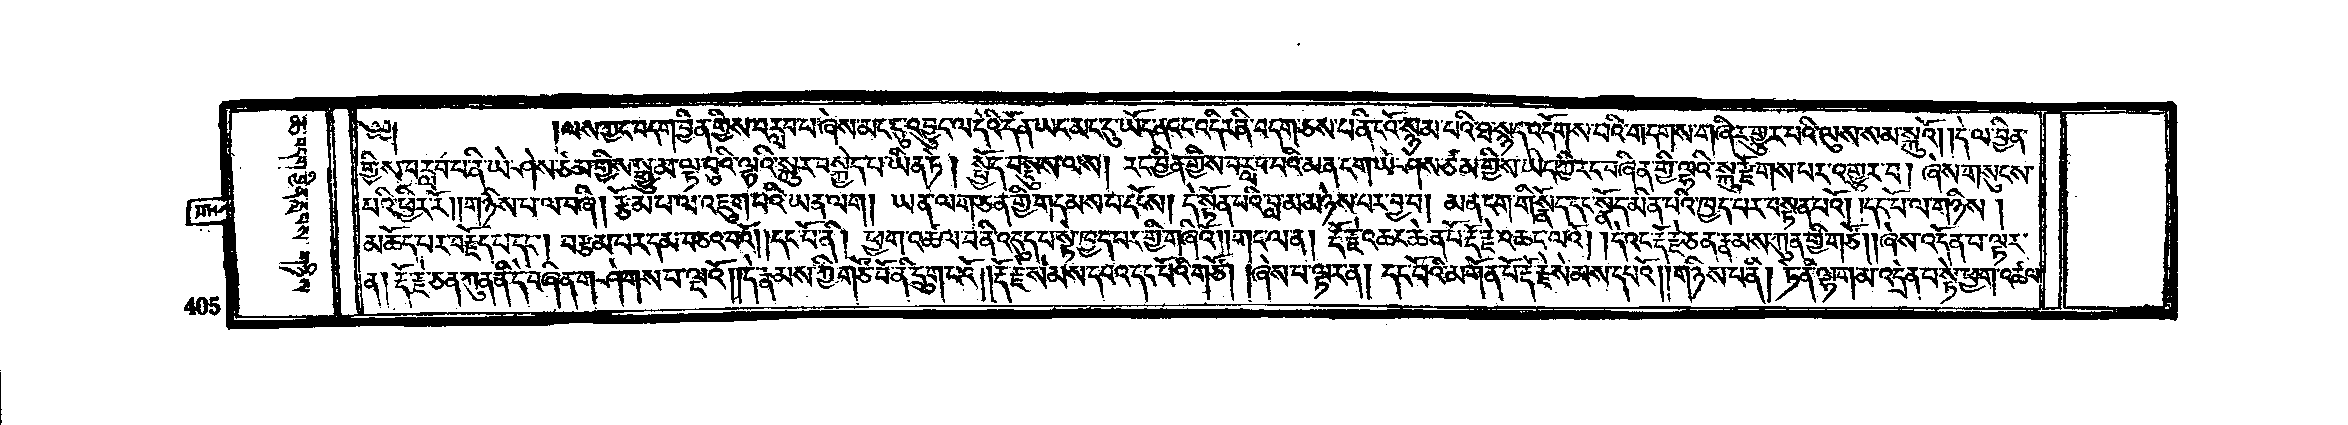༄༅། །ལས་ཀྱང་བདག་བྱིན་གྱིས་བརླབ་པ་ཞེས་མང་དུ་འབྱུང་ལ་དེའི་དོན་ཡང་མང་དུ་ཡོད་ནའང་འདིར་ནི་བདག་ཅེས་པ་ནི་ངའོ་སྙམ་པའི་ཐ་སྙད་འདོགས་པའི་གདགས་གཞིར་གྱུར་པའི་ལུས་སམ་སྐུའོ། །དེ་ལ་བྱིན་
གྱིས་བརླབ་པ་ནི་ཡེ་ཤེས་ཙམ་གྱིས་སྒྱུ་མ་ལྟ་བུའི་ལྷའི་སྐུར་བསྐྱེད་པ་ཡིན་ཏེ། སྤྱོད་བསྡུས་ལས། རང་བྱིན་གྱིས་བརླབ་པའི་མན་ངག་ཡེ་ཤེས་ཙམ་གྱིས་ཡིད་ཀྱི་རང་བཞིན་གྱི་ལྷའི་སྐུ་རྫོགས་པར་འགྱུར་བ། ཞེས་གསུངས་
པའི་ཕྱིར་རོ། །གཉིས་པ་ལ་བཞི། རྩོམ་པ་ལ་འཇུག་པའི་ཡན་ལག །ཡན་ལག་ཅན་གྱི་གདམས་པ་དངོས། དེ་སྟོན་པའི་བླ་མ་མཉེས་པར་བྱ་བ། མན་ངག་གི་སྣོད་དང་སྣོད་མིན་པའི་ཁྱད་པར་བསྟན་པའོ། །དང་པོ་ལ་གཉིས།
མཆོད་པར་བརྗོད་པ་དང་། བརྩམ་པར་དམ་བཅའ་བའོ། །དང་པོ་ནི། ཕྱག་འཚལ་བ་ནི་འདུད་པ་སྟེ་ཁྱད་པར་གྱི་གཞིའོ། །གང་ལ་ན། རྡོ་རྗེ་འཆང་ཆེན་པོ་རྡོ་རྗེ་འཆང་ལའོ། །དེའང་རྡོ་རྗེ་ཅན་རྣམས་ཀུན་གྱི་གཙོ། །ཞེས་འདོན་པ་ལྟར་
ན། རྡོ་རྗེ་ཅན་ཀུན་ནི་དེ་བཞིན་གཤེགས་པ་ལྔའོ། །དེ་རྣམས་ཀྱི་གཙོ་བོ་ནི་དྲུག་པའོ། །རྡོ་རྗེ་སེམས་དཔའ་དང་པོའི་གཙོ། །ཞེས་པ་ལྟར་ན། དང་པོའི་མགོན་པོ་རྡོ་རྗེ་སེམས་དཔའོ། །གཉིས་པ་ནི། ཏེ་ནི་ལྷག་མ་འདྲེན་པ་སྟེ་ཕྱག་འཚལ་